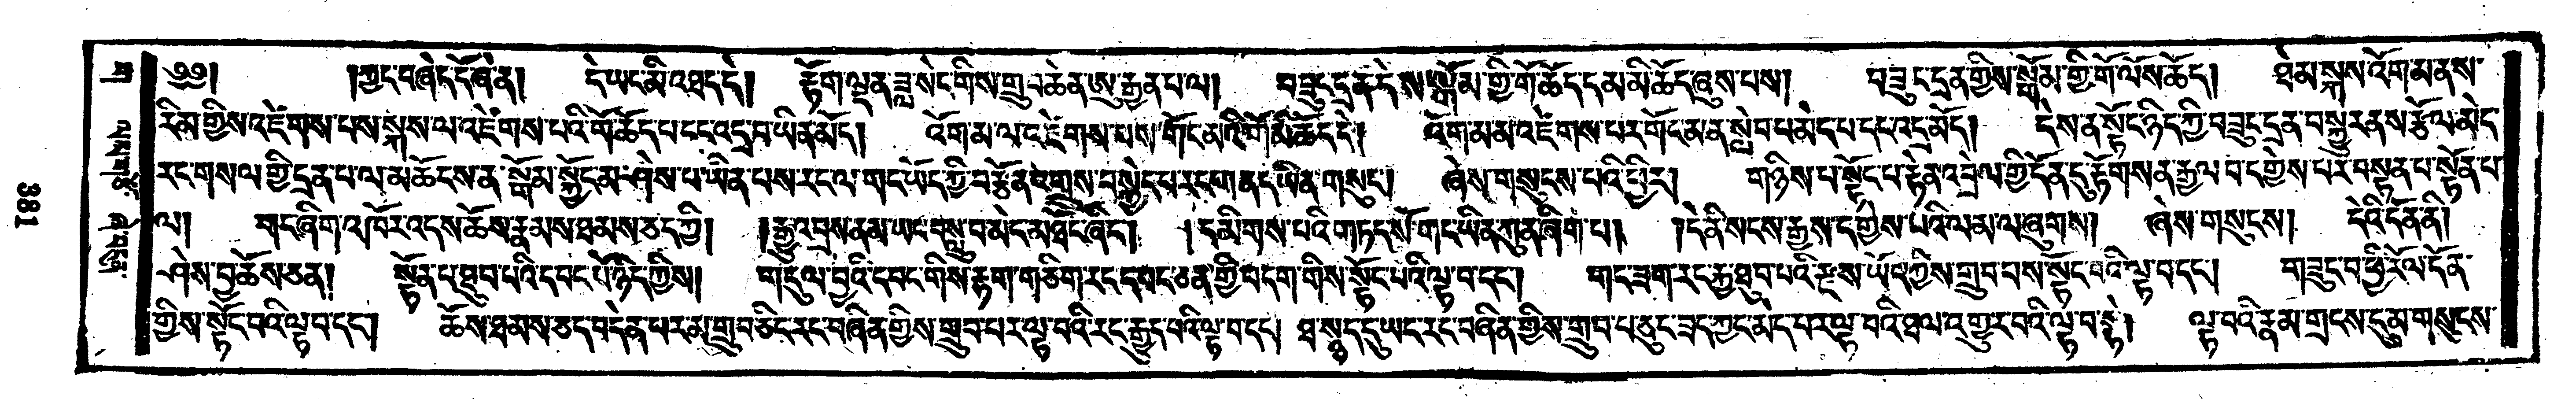༄༅། །ཀྱང་བཞེད་དོ་ཞེ་ན། དེ་ཡང་མི་འཐད་དེ། རྟོག་ལྡན་ཟླ་སེང་གིས་གྲུབ་ཆེན་ཨུ་རྒྱན་པ་ལ། བཟུང་དྲན་དེས་སྒོམ་གྱི་གོ་ཆོད་དམ་མི་ཆོད་ཞུས་པས། བཟུང་དྲན་གྱིས་སྒོམ་གྱི་གོ་ལོས་ཆོད། ཐེམ་སྐས་འོག་མ་ནས་
རིམ་གྱིས་འཛེགས་པས་སྐས་ལ་འཛེགས་པའི་གོ་ཆོད་པ་དང་འདྲ་བ་ཡིན་མོད། འོག་མ་ལ་འཛེགས་པས་གོང་མའི་གོ་མི་ཆོད་དེ། འོག་མ་མ་འཛེགས་པར་གོང་མན་སླེབ་པ་མེད་པ་དང་འདྲ་མོད། དེས་ན་སྟོང་ཉིད་ཀྱི་བཟུང་དྲན་བསྐྱུར་ནས་རྩོལ་མེད་
རང་གསལ་གྱི་དྲན་པ་ལ་མཆོངས་ན་སྒོམ་སྐྱོང་མ་ཤེས་པ་ཡིན་པས་རང་ལ་གང་ཡོད་ཀྱི་བརྩོན་འགྲུས་བསྐྱེད་པ་རང་གནད་ཡིན་གསུང་། ཞེས་གསུངས་པའི་ཕྱིར། གཉིས་པ་སྟོང་པ་རྟེན་འབྲེལ་གྱི་དོན་དུ་རྟོགས་ན་རྒྱལ་བ་དགྱེས་པར་བསྟན་པ་སྟོན་པ་
ལ། གང་ཞིག་འཁོར་འདས་ཆོས་རྣམས་ཐམས་ཅད་ཀྱི། །རྒྱུ་འབྲས་ནམ་ཡང་བསླུ་བ་མེད་མཐོང་ཞིང་། །དམིགས་པའི་གཏད་སོ་གང་ཡིན་ཀུན་ཞིག་པ། །དེ་ནི་སངས་རྒྱས་དགྱེས་པའི་ལམ་ལ་ཞུགས། །ཞེས་གསུངས། དེའི་དོན་ནི།
ཤེས་བྱ་ཆོས་ཅན། སྟོན་པ་ཐུབ་པའི་དབང་པོ་ཉིད་ཀྱི། གདུལ་བྱའི་དབང་གིས་རྟག་གཅིག་རང་དབང་ཅན་གྱི་བདག་གིས་སྟོང་པའི་ལྟ་བ་དང་། གང་ཟག་རང་རྐྱ་ཐུབ་པའི་རྫས་ཡོད་ཀྱིས་གྲུབ་པས་སྟོང་པའི་ལྟ་བ་དང་། གཟུང་བ་ཕྱི་རོལ་དོན་
གྱིས་སྟོང་པའི་ལྟ་བ་དང་། ཆོས་ཐམས་ཅད་བདེན་པར་མ་གྲུབ་ཅིང་རང་བཞིན་གྱིས་གྲུབ་པར་ལྟ་བའི་རང་རྒྱུད་པའི་ལྟ་བ་དང་། ཐ་སྙད་དུ་ཡང་རང་བཞིན་གྱིས་གྲུབ་པ་ཅུང་ཟད་ཀྱང་མེད་པར་ལྟ་བའི་ཐལ་འགྱུར་བའི་ལྟ་བ་སྟེ། ལྟ་བའི་རྣམ་གྲངས་དུ་མ་གསུངས་